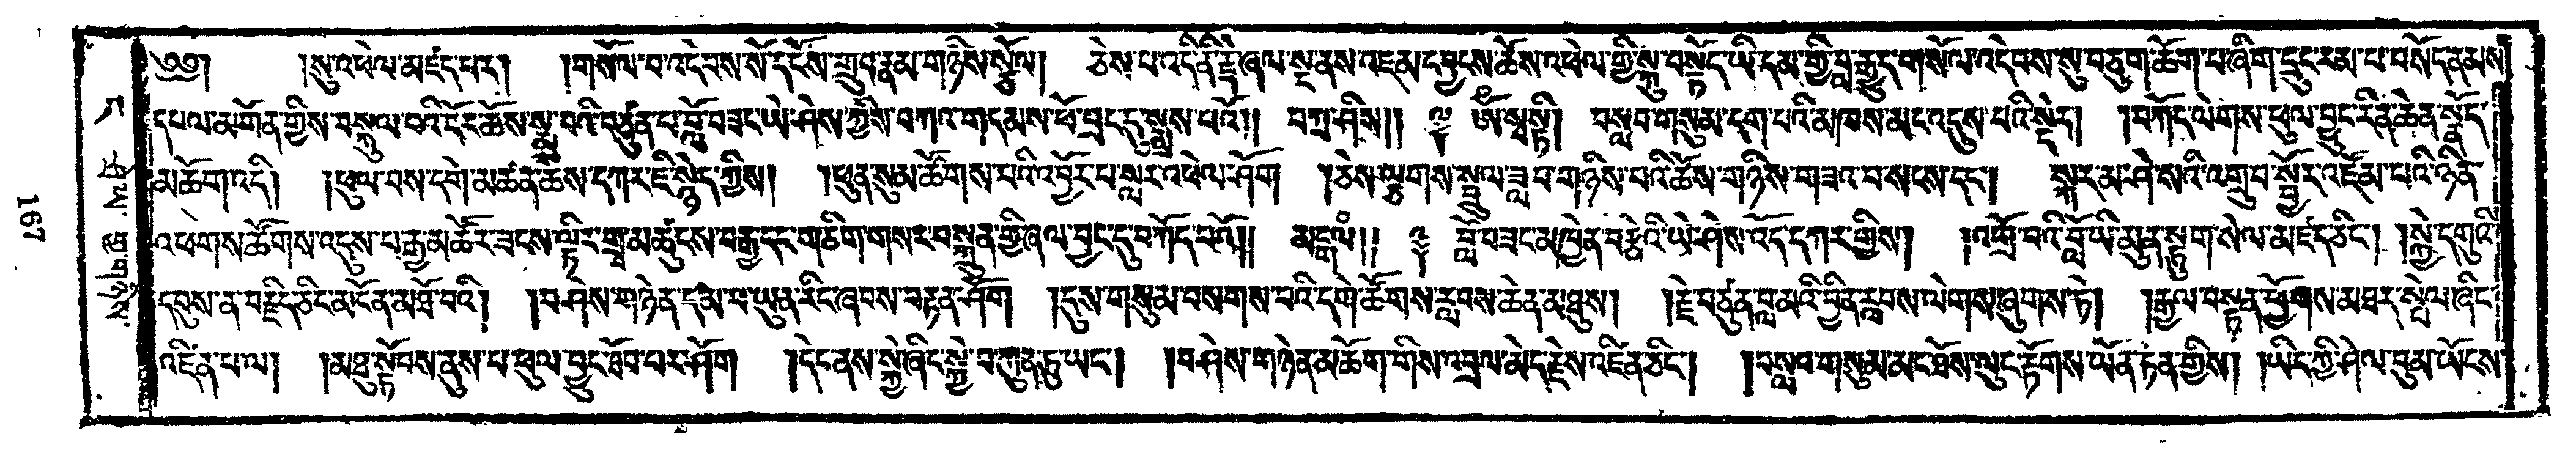༄༅། །སུ་འཕེལ་མཛད་པར། །གསོལ་བ་འདེབས་སོ་དངོས་གྲུབ་རྣམ་གཉིས་སྩོལ། །ཅེས་པ་འདི་ནི་རྗེ་ཞལ་སྔ་ནས་འཇམ་དབྱངས་ཆོས་འཕེལ་གྱི་སྐུ་བསྟོད་ཡི་དམ་གྱི་བླ་རྒྱུད་གསོལ་འདེབས་སུ་བཅུག་ཆོག་པ་ཞིག་དྲུང་རམ་པ་བསོད་ནམས་
དཔལ་མགོན་གྱིས་བསྐུལ་པའི་དོར་ཆོས་སྨྲ་བའི་བཙུན་པ་བློ་བཟང་ཡེ་ཤེས་ཀྱིས་བཀའ་གདམས་ཕོ་བྲང་དུ་སྨྲས་པའོ།། བཀྲ་ཤིས།། ༈ ཨོཾ་སྭསྟི། །བསླབ་གསུམ་དག་པའི་མཁས་མང་འདུས་པའི་སྡེར། །བཀོད་ལེགས་ཕུལ་བྱུང་རིན་ཆེན་སྣོད་
མཆོག་འདི། །ཕུལ་བས་དགེ་མཚན་ཆོས་དཀར་ཇི་སྙེད་ཀྱིས། །ཕུན་སུམ་ཚོགས་པའི་འབྱོར་པ་སླར་འཕེལ་ཤོག །ཅེས་ལྕགས་སྦྲུལ་ཟླ་བ་གཉིས་པའི་ཚོས་གཉིས་གཟའ་བ་སངས་དང་། །སྐར་མ་ཤེ་སའི་འགྲུབ་སྦྱོར་འཛོམ་པའི་ཉིན་
འཕགས་ཚོགས་འདུས་པ་རྒྱ་མཚོར་ཟངས་ལྟིར་གྲྭ་མཚུངས་བརྒྱ་དང་གཅིག་གསར་བསྐྲུན་གྱི་ཞལ་བྱང་དུ་བཀོད་པའོ།། མངྒལཾ།། ༈ བློ་བཟང་མཁྱེན་བརྩེའི་ཡེ་ཤེས་འོད་དཀར་གྱིས། །འགྲོ་བའི་བློ་ཡི་མུན་སྟུག་སེལ་མཛད་ཅིང་། །སྐྱེ་དགུའི་
དབུས་ན་བརྗིད་ཅིང་མངོན་མཐོ་བའི། །བཤེས་གཉེན་དམ་པ་ཡུན་རིང་ཞབས་བརྟན་ཤོག །དུས་གསུམ་བསགས་པའི་དགེ་ཚོགས་རླབས་ཆེན་མཐུས། །རྗེ་བཙུན་བླ་མའི་བྱིན་རླབས་ལེགས་ཞུགས་ཏེ། །རྒྱལ་བསྟན་ཕྱོགས་མཐར་སྤེལ་ཞིང་
འཛིན་པ་ལ། །མཐུ་སྟོབས་ནུས་པ་ཕུལ་བྱུང་ཐོབ་པར་ཤོག། །དེང་ནས་སྐྱེ་ཞིང་སྐྱེ་བ་ཀུན་ཏུ་ཡང་། །བཤེས་གཉེན་མཆོག་གིས་འབྲལ་མེད་རྗེས་འཛིན་ཅིང་། །བསླབ་གསུམ་མང་ཐོས་ལུང་རྟོགས་ཡོན་ཏན་གྱིས། །ཡིད་ཀྱི་ཤེལ་བུམ་ཡོངས་